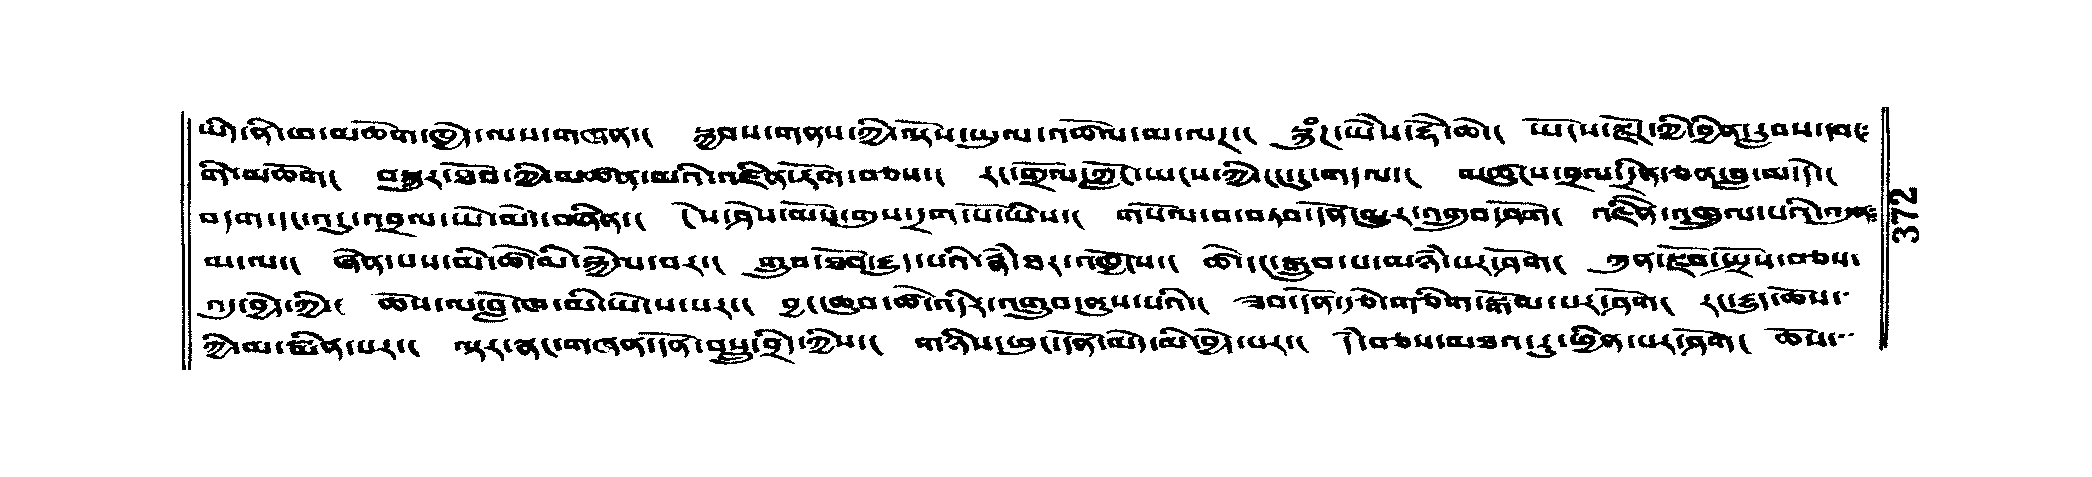ཡིད་ནི་ཕ་མཆོག་ཁྱེད་ལས་གཞན། །སྐྱབས་གནས་ཀྱི་ལྟོས་ཡུལ་འཚོལ་མ་ལགས། །སྐུ་གསུང་ཐུགས་ཡེ་ཤེས་རྡོ་རྗེ་ཆེ། །ཡོངས་རྫོགས་ཀྱི་བྱིན་རླབས་དབང་
གི་མཆོག།བསྐུར་ཐོབ་ཀྱི་མཚན་མའི་འཛིན་རྟོག་བཅས། །རང་གྲོལ་ཀློང་ཡངས་ཀྱི་ངང་དུ་གདལ། །མཚུངས་བྲལ་དྲིན་ཅན་བླ་མ་དེ། །
བདག་དང་འདུ་འབྲལ་ཡེ་མེད་བཞིན། །ངེས་ཤེས་མོས་གུས་དྲག་པོ་ཡིས། །གསོལ་བ་བཏབ་དོན་མྱུར་འགྲུབ་ཤོག །འཇིག་རྟེན་འཁྲུལ་པའི་འདུན་
མ་ལ། །ཞེན་པས་མི་ཚེ་མི་སྐྱེལ་བར། །གྲུབ་ཐོབ་རྒྱུད་པའི་རྣམ་ཐར་འཁྱོངས། །ཚེ་དང་སྒྲུབ་པ་མཉམ་པར་ཤོག །ཀུན་རྫོབ་སྤྲོས་བཅས་
འདུ་བྱེད་ཀྱི། །ཆོས་ལ་བློ་ཁ་མི་ཡེངས་པར། །བྱང་ཆུབ་ཚེ་འདིར་འགྲུབ་ནུས་པའི། །ཟབ་དོན་རྩེ་གཅིག་སྒོམ་པར་ཤོག །རང་རྒྱུད་ཆོས་
ཀྱི་མ་སྨིན་པར། །ལྟར་སྣང་གཞན་དོན་བསླུ་བྲིད་ཀྱིས། །གཉིས་ཕུང་དོན་མེད་མི་བྱེད་པར། །དམ་བཅས་མཐའ་རུ་ཕྱིན་པར་ཤོག །ཆོས་